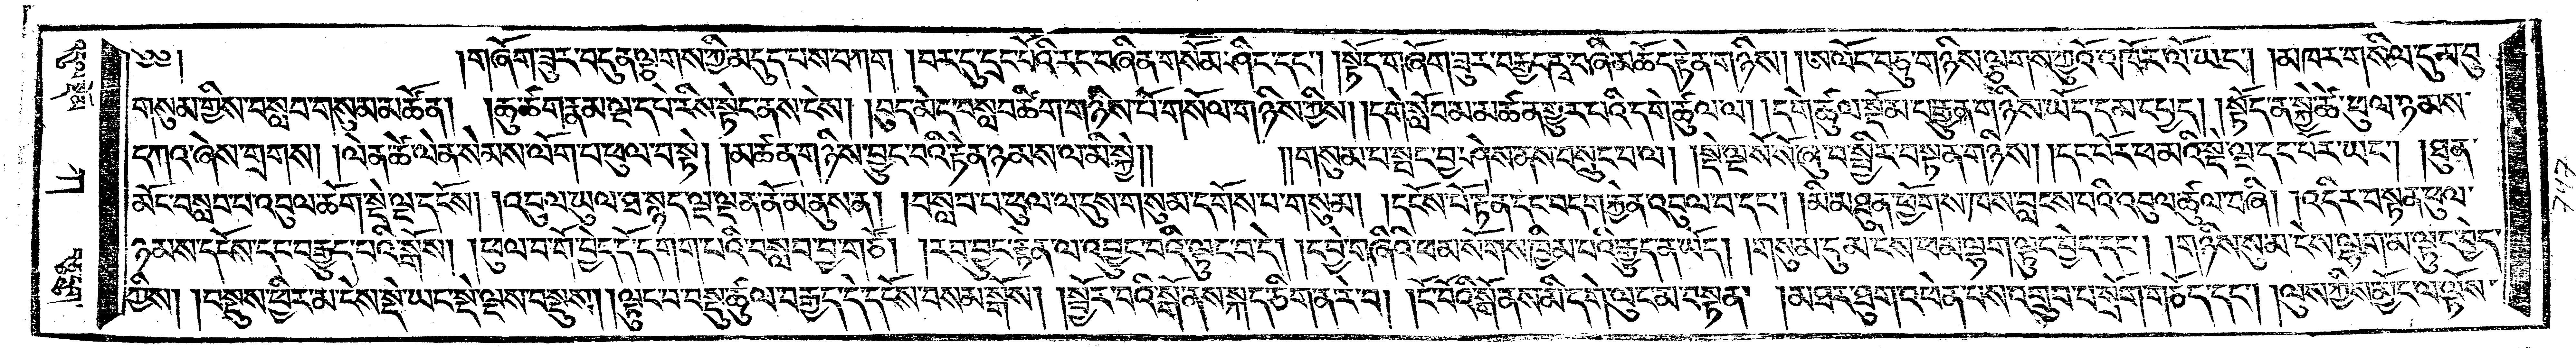༄༅། །གཞོག་ཟུར་བདུན་ལྕགས་ཀྱི་མདུད་པས་བཀག །བར་དུ་དྲང་པོའི་རང་བཞིན་གསོམ་ཤིང་དང་། །སྟོད་གཞོག་ཟུར་བརྒྱད་རྭ་བཞི་མཆོད་རྟེན་གཉིས། །ཨ་ལོང་བཅུ་གཉིས་ལྕགས་ཀྱུའོ་འཁོར་ལོ་ཡང་། །མཁར་གསིལ་དུམ་བུ་
གསུམ་གྱིས་བསླབ་གསུམ་མཚོན། །ཆུ་ཚག་རྣམ་ལྔ་དཔེ་རིས་སྟེང་ནས་ངེས། །བུད་མད་བསླབ་ཚིག་གཉིས་པོ་གསོལ་གཉིས་ཀྱིས། །དགེ་སློབ་མ་མཚན་གྱུར་པའི་དགེ་ཚུལ་ལ། །དགེ་ཚུལ་སྡོམ་པ་རྒྱུན་གཉིས་ཡོད་དམ་དཔྱད། །སྟོད་ན་སྐྱེ་ཚེ་ཕུལ་ཉམས་
དཀའ་ཞེས་གྲགས། །ལེན་ཚེ་ལེན་སེམས་ལོག་པ་ཕུལ་བ་སྟེ། །མཚན་གཉིས་བྱུང་བའི་རྟེན་ཉམས་ལ་མི་སྐྱེ།། །།གསུམ་པ་སྤང་བྱ་ཤེས་ནས་བསྲུང་བ་ལ། །སྡེ་ལྔ་སོ་སོ་ཞུ་བ་སྤྱིར་བསྟན་གཉིས། །དང་པོར་ཕ་མའི་སྡེ་ལྔ་དང་པོར་ཡང་། །ཐུན་
མོང་བསླབ་པ་འབུལ་ཆོག་སྡེ་ལྔ་དངོས། །འབུལ་ཡུལ་ཐ་སྙད་ལྔ་ལྡན་ནོ་མ་ནུས་ན། །བསླབ་པ་ཕུལ་ལ་དུས་གསུམ་དགོས་པ་གསུམ། །དངོས་པོ་རྟེན་དང་བདག་རྐྱེན་འབུལ་བ་དང་། །མི་མཐུན་ཕྱོགས་ཁས་བླངས་པའི་འབུལ་ཚུལ་བཞི། །འདིར་བསྟན་ཕུལ་
ཉམས་དངོས་དང་བརྒྱུད་པའི་སྒོས། །ཕུལ་བ་གོ་བྱེད་དོ་དགག་པའི་བསླབ་བྱ་གཙོ། །རབ་བྱུང་རྟེན་ལ་འབྱུང་བའི་ལྟུང་བ་དེ། །དབྱེ་གཞིའི་ཕམ་སོགས་ཁྱིམ་པའི་རྒྱུད་ན་ཡོད། །གསུམ་དུམ་ངེས་ཕམ་ལྷག་ལྟུང་བྱེད་དང་། །གཉིས་སུ་མ་ངེས་ལྷག་མ་ལྟུང་བྱེད་
ཀྱིས། །བསྡུས་ཕྱིར་མ་ངེས་སྡེ་ཡང་སྡེ་ལྔས་བསྡུས། །ལྟུང་བ་བསྡུ་ཚུལ་བརྒྱད་དེ་དངོས་བསམ་སྒོས། །སྦྱོར་བའི་སྒོ་ནས་སྐད་ཅིག་ན་རེ་བ། །ངོ་བོའི་སྒོ་ནས་མི་དགེ་ལུང་མ་བསྟན། །མཐར་ཐུག་འཕེན་པས་འགྲུབ་པ་སྲོག་གཙོ་དང་། །ལུས་ཀྱིས་མྱོང་ལ་ལྟོས་